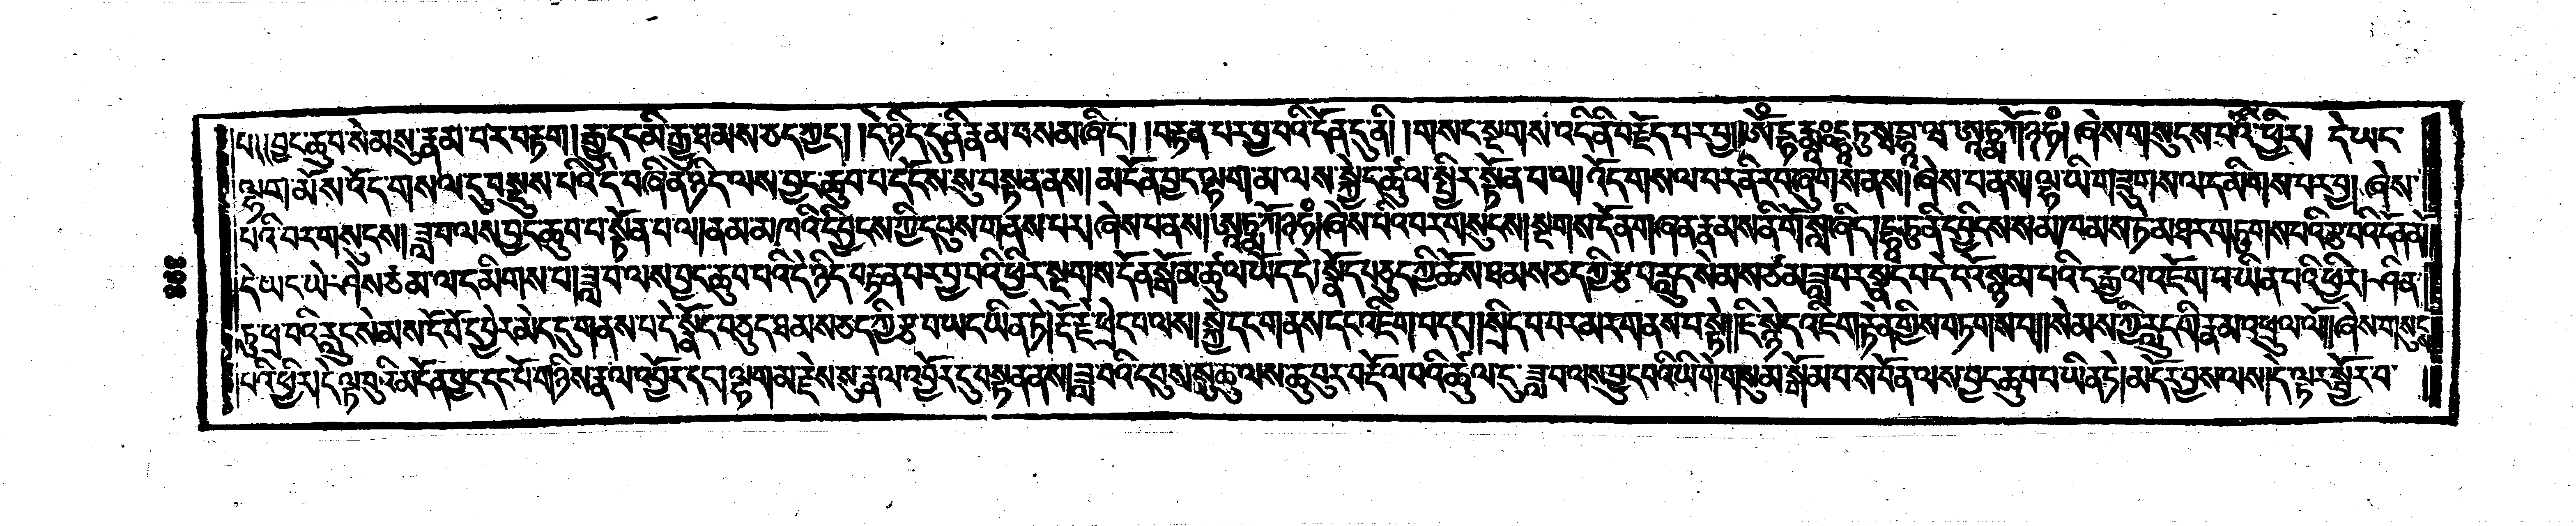པ༑ ༑བྱང་ཆུབ་སེམས་སུ་རྣམ་པར་བརྟག །རྒྱུ་དང་མི་རྒྱུ་ཐམས་ཅད་ཀྱང་། །དེ་ཉིད་དུ་ནི་རྣམ་བསམ་ཞིང་། །བརྟན་པར་བྱ་བའི་དོན་དུ་ནི། །གསང་སྔགས་འདི་ནི་བརྗོད་པར་བྱ། །ཨོཾ་དྷརྨཱཿ དྷཱ་ཏུ་སྭ་བྷཱ་ཝ་ཨཱ་ཏྨ་ཀོཉ་ཧཾ། ཞེས་གསུངས་པའི་ཕྱིར། དེ་ཡང་
ལྷག་མོས་འོད་གསལ་དུ་བསྡུས་པའི་དེ་བཞིན་ཉིད་ལས་བྱང་ཆུབ་བ་དངོས་སུ་བསྟན་ནས། མངོན་བྱང་ལྷག་མ་ལས་སྐྱེད་ཚུལ་སྤྱིར་སྟོན་པ་ལ། འོད་གསལ་བར་ནི་རབ་ཞུགས་ནས། ཞེས་པ་ནས། ལྷ་ཡི་གཟུགས་ལ་དམིགས་པར་བྱ། ཞེས་
པའི་བར་གསུངས། ཟླ་བ་ལས་བྱང་ཆུབ་པ་སྟོན་པ་ལ། ནམ་མཁའི་དབྱིངས་ཀྱི་དབུས་གནས་པར། ཞེས་པ་ནས། ཨཱཏྨ་ཀོ་ཉ་ཧཾ། ཞེས་པའི་བར་གསུངས། སྔགས་དོན་གཞན་རྣམས་ནི་གོ་སླ་ཞིང་། དྷཱ་ཏུ་ནི་དབྱིངས་སམ་ཁམས་ཏེ་མཐར་གཏུགས་པའི་རྩ་བའི་དོན་ནོ།།
དེ་ཡང་ཡེ་ཤེས་ཙམ་ལང་མིགས་པ། ཟླ་བ་ལས་བྱང་ཆུབ་པའི་དེ་ཉིད་བརྟན་པར་བྱ་བའི་ཕྱིར་སྔགས་དོན་སྒོམ་ཚུལ་ཡོད་དེ། སྣོད་བཅུད་ཀྱི་ཆོས་ཐམས་ཅད་ཀྱི་རྩ་བ་རླུང་སེམས་ཙམ་ཟླ་བར་སྣང་བ་དེ་ངའོ་སྙམ་པའི་ང་རྒྱལ་འཇོག་པ་ཡིན་པའི་ཕྱིར། ཤིན་
ཏུ་ཕྲ་བའི་རླུང་སེམས་ངོ་བོ་དབྱེར་མེད་དུ་གནས་པ་དེ་སྣོད་བཅུད་ཐམས་ཅད་ཀྱི་རྩ་བ་ཡང་ཡིན་ཏེ། རྡོ་རྗེ་ཕྲེང་བ་ལས། སྐྱེ་དང་གནས་དང་འཇིག་པ་དང་། །སྲིད་པ་བར་མར་གནས་པ་སྟེ། །ཇི་སྙེད་འཇིག་རྟེན་གྱིས་བཏགས་པ། །སེམས་ཀྱི་རླུང་གི་རྣམ་འཕྲུལ་ལོ། །ཞེས་གསུངས་
པའི་ཕྱིར། དེ་ལྟ་བུའི་མངོན་བྱང་དང་པོ་གཉིས་རྣལ་འབྱོར་དང་། ལྷག་མ་རྗེས་སུ་རྣལ་འབྱོར་དུ་བསྟན་ནས། ཟླ་བའི་དབུས་སུ་ཆུ་ལས་ཆུ་བུར་བརྡོལ་བའི་ཚུལ་དུ་ཟླ་བ་ལས་བྱུང་བའི་ཡི་གེ་གསུམ་སྒོམ་པ་ས་བོན་ལས་བྱང་ཆུབ་པ་ཡིན་ཏེ། མདོར་བྱས་ལས། དེ་ལྟར་སྦྱོར་བ་